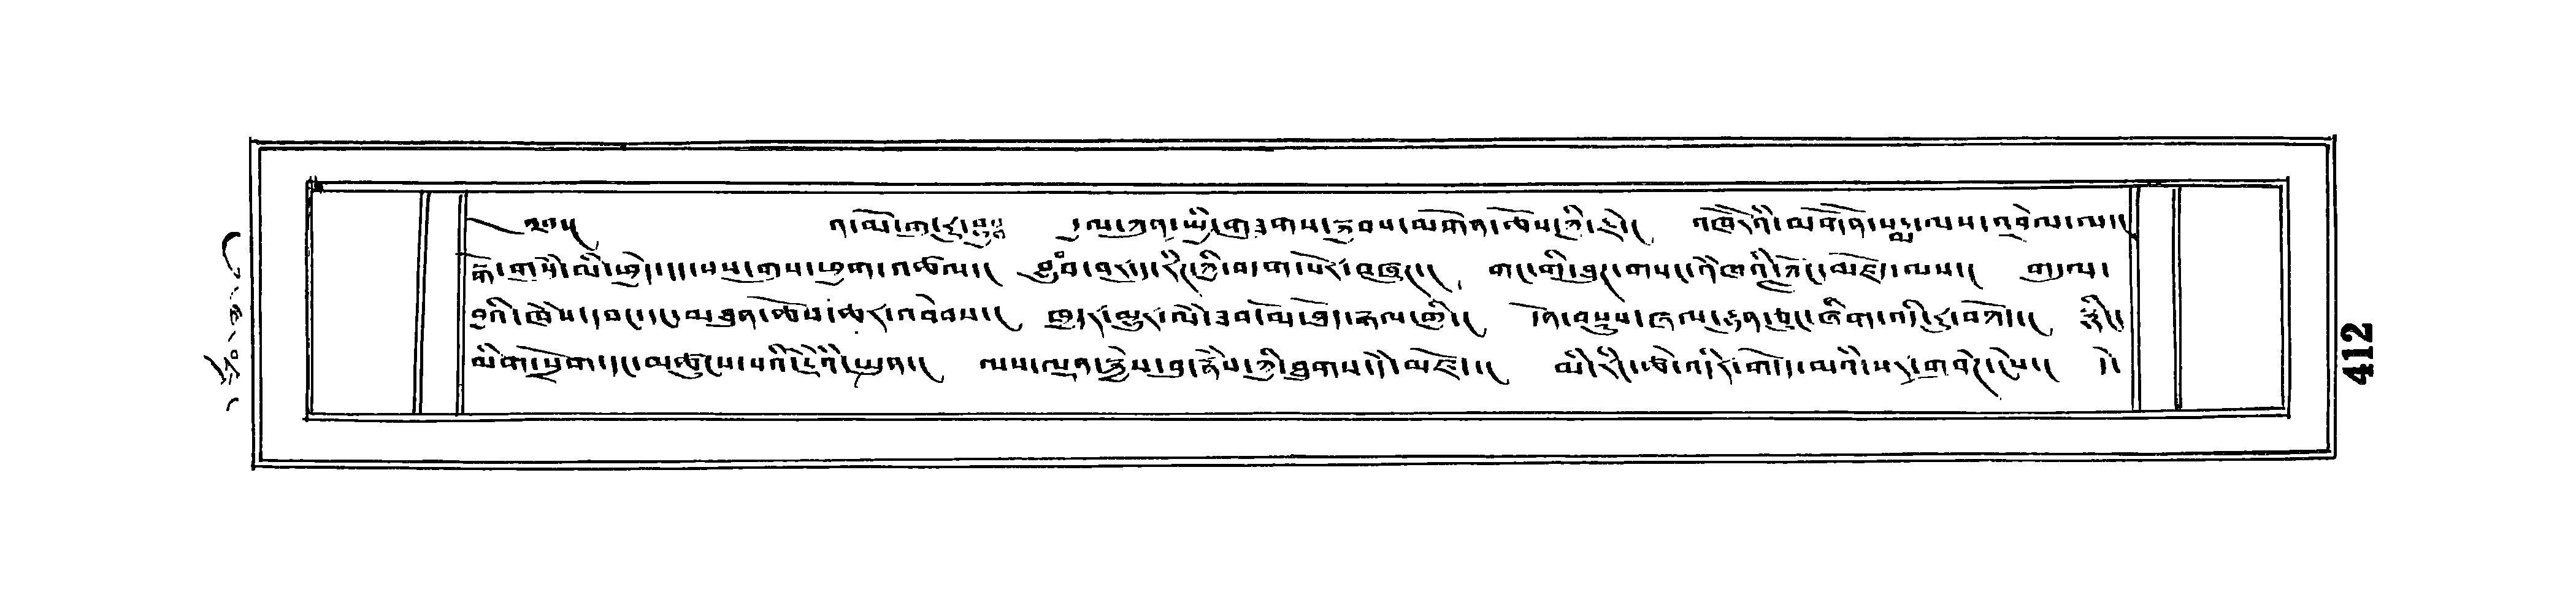ན་མོ་གུ་རུ་བྷྱཿ རྒྱལ་ཀུན་སྤྱི་གཟུགས་སྐྱབས་མགོན་ཆོས་ཀྱི་རྗེ། །འཁོར་ལོའི་མགོན་པོ་པདྨ་ལས་འབྲེལ་ལ། །
སྒོ་གསུམ་མི་ཕྱེད་དད་པས་གུས་ཕྱག་འཚལ། །བྱང་ཆུབ་བར་དུ་རིགས་ཀྱི་བདག་པོར་བཞུགས། །གང་གི་ཐུགས་གསང་ནམ་མཁའི་ཀློང་མཛོད་ལས། །གདུལ་
བྱའི་ཁམས་དབང་དང་མཐུན་ཆོས་ཆར་འབེབས། ཁྱད་པར་མྱུར་ལམ་ཟབ་མོ་ཐོད་སྒལ་གྱི། །དོན་བསྡུས་ཞལ་རྒྱུན་ཅུང་ཞིག་འདི་རུ་བཀོད། །སྙིང་
མིག་སྲོག་དང་མཚུངས་པའི་རྡོ་རྗེའི་སྤུན། །ལས་ལྡན་སྐྱེས་བུ་རྣམས་ཀྱི་ཐུགས་དམ་མཛོད། །མི་རིང་ཚེ་འདིར་གདོད་མའི་སར་གཤེགས་ངེས། དེ་